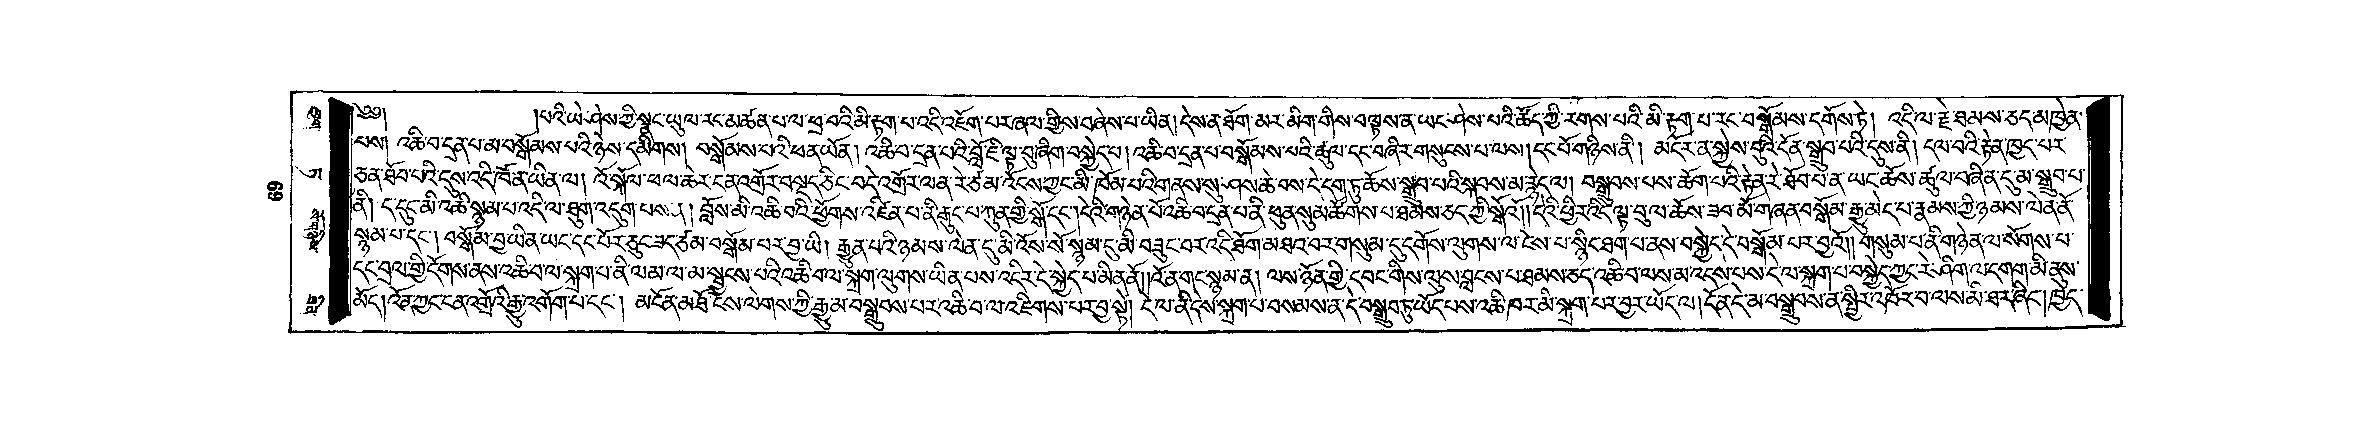༄༅། །པའི་ཡེ་ཤེས་ཀྱི་སྣང་ཡུལ་རང་མཚན་པ་ལ་ཕྲ་བའི་མི་རྟག་པ་འདི་འཇོག་པར་ཞལ་གྱིས་བཞེས་པ་ཡིན། དེས་ན་ཐོག་མར་མིག་གིས་བལྟས་ན་ཡང་ཤེས་པའི་ཚོད་ཀྱི་རགས་པའི་མི་རྟག་པ་རང་བསྒོམས་དགོས་ཏེ། འདི་ལ་རྗེ་ཐམས་ཅད་མཁྱེན་
པས། འཆི་བ་དྲན་པ་མ་བསྒོམས་པའི་ཉེས་དམིགས། བསྒོམས་པའི་ཕན་ཡོན། འཆི་བ་དྲན་པའི་བློ་ཇི་ལྟ་བུ་ཞིག་བསྐྱེད་པ། འཆི་བ་དྲན་པ་བསྒོམས་པའི་ཚུལ་དང་བཞིར་གསུངས་པ་ལས། དང་པོ་གཉིས་ནི། མདོར་ན་སྐྱེས་བུའི་དོན་སྒྲུབ་པའི་དུས་ནི། དལ་བའི་རྟེན་ཁྱད་པར་
ཅན་ཐོབ་པའི་དུས་འདི་ཁོ་ན་ཡིན་ལ། འོ་སྐོལ་ཕལ་ཆེར་ངན་འགྲོར་བསྡད་ཅིང་བདེ་འགྲོར་ལན་རེ་ཙམ་འོངས་ཀྱང་མི་ཁོམ་པའི་གནས་སུ་ཤས་ཆེ་བས་དེ་དག་ཏུ་ཆོས་སྒྲུབ་པའི་སྐབས་མ་རྙེད་ལ། བསྒྲུབས་པས་ཆོག་པའི་རྟེན་རེ་ཐོབ་པ་ན་ཡང་ཆོས་ཚུལ་བཞིན་དུ་མ་སྒྲུབ་པ་
ནི། ད་དུང་མི་འཆི་སྙམ་པ་འདི་ལ་ཐུག་འདུག་པས་ན། བློས་མི་འཆི་བའི་ཕྱོགས་འཛིན་པ་ནི་རྒུད་པ་ཀུན་གྱི་སྒོ་དང་། དེའི་གཉེན་པོ་འཆི་བ་དྲན་པ་ནི་ཕུན་སུམ་ཚོགས་པ་ཐམས་ཅད་ཀྱི་སྒོའོ། །དེའི་ཕྱིར་འདི་ལྟ་བུ་ལ་ཆོས་ཟབ་མོ་གཞན་བསྒོམ་རྒྱུ་མེད་པ་རྣམས་ཀྱི་ཉམས་ལེན་ནོ་
སྙམ་པ་དང་། བསྒོམ་བྱ་ཡིན་ཡང་དང་པོར་ཅུང་ཟད་ཙམ་བསྒོམ་པར་བྱ་ཡི། རྒྱུན་པའི་ཉམས་ལེན་དུ་མི་འོས་སོ་སྙམ་དུ་མི་བཟུང་བར་འདི་ཐོག་མཐའ་བར་གསུམ་དུ་དགོས་ལུགས་ལ་ངེས་པ་སྙིང་ཐག་པ་ནས་བསྐྱེད་དེ་བསྒོམ་པར་བྱའོ། །གསུམ་པ་ནི་གཉེན་ལ་སོགས་པ་
དང་བྲལ་གྱི་དོགས་ནས་འཆི་བ་ལ་སྐྲག་པ་ནི་ལམ་ལ་མ་སྦྱངས་པའི་འཆི་བ་ལ་སྐྲག་ལུགས་ཡིན་པས་འདིར་དེ་སྐྱེད་པ་མིན་ནོ། །འོ་ན་གང་སྙམ་ན། ལས་ཉོན་གྱི་དབང་གིས་ལུས་བླངས་པ་ཐམས་ཅད་འཆི་བ་ལས་མ་འདས་པས་དེ་ལ་སྐྲག་པ་བསྐྱེད་ཀྱང་རེ་ཤིག་ལ་དགག་མི་ནུས་
མོད། འོན་ཀྱང་ངན་འགྲོའི་རྒྱུ་འགོག་པ་དང་། མངོན་མཐོ་ངེས་ལེགས་ཀྱི་རྒྱུ་མ་བསྒྲུབས་པར་འཆི་བ་ལ་འཇིགས་པར་བྱ་སྟེ། དེ་ལ་ནི་དེས་སྐྲག་པ་བསམས་ན་དེ་བསྒྲུབ་ཏུ་ཡོད་པས་འཆི་ཁར་མི་སྐྲག་པར་བྱར་ཡོད་ལ། དོན་དེ་མ་བསྒྲུབས་ན་སྤྱིར་འཁོར་བ་ལས་མི་ཐར་ཞིང་། ཁྱད་